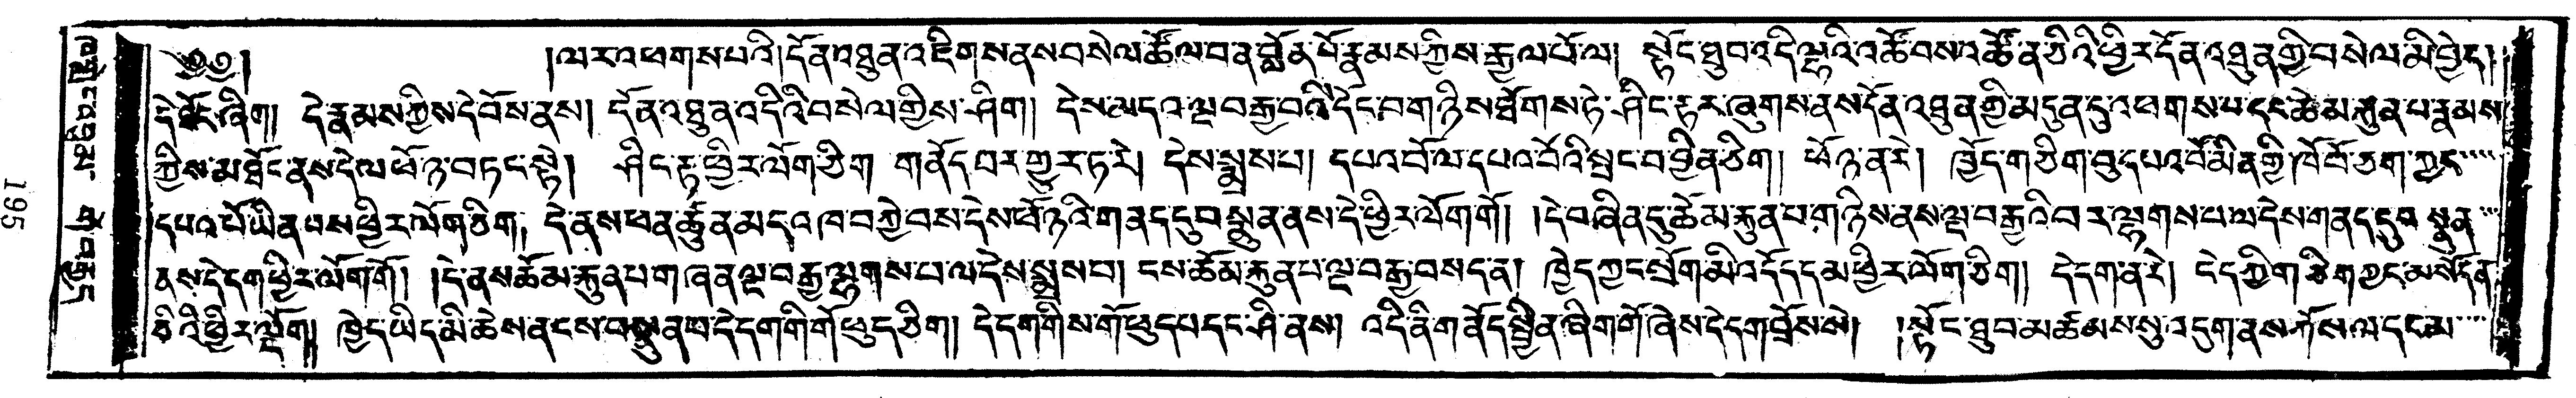༄༅། །ལར་འཕགས་པའི། དོན་འཐུན་འཇིགས་ནས་བསེལ་ཚོལ་བ་ན་བློན་པོ་རྣམས་ཀྱིས་རྒྱལ་པོ་ལ། སྟོང་ཐུབ་འདི་ལྷའི་འཚོ་བས་འཚོ་ན་ཅིའི་ཕྱིར་དོན་འཐུན་གྱི་བསེལ་མི་བྱེད།
དེ་ཐོང་ཞིག། དེ་རྣམས་ཀྱིས་དེ་བོས་ནས། དོན་འཐུན་འདིའི་བསེལ་གྱིས་ཤིག། དེས་མདའ་ལྔ་བརྒྱ་བའི་དོང་བ་གཉིས་ཐོགས་ཏེ་ཤིང་རྟར་ཞུགས་ནས་དོན་འཐུན་གྱི་མདུན་དུ་འཕགས་པ་དང་ཆེམ་རྐུན་པ་རྣམས་
ཀྱིས་མཐོང་ནས་དེ་ལ་ཕོ་ཉ་བཏང་སྟེ། ཤིང་རྟ་ཕྱིར་ལོག་ཅིག་གནོད་བར་གྱུར་ཏ་རེ། དེས་སྨྲས་པ། དཔའ་བོ་ལ་དཔའ་བོའི་སྤང་བ་བྱིན་ཅིག། ཕོ་ཉ་ན་རེ། ཁྱོད་གཅིག་བུ་དཔའ་བོ་མིན་གྱི་ཁོ་བོ་ཅག་ཀྱང་
དཔའ་པོ་ཡིན་པས་ཕྱིར་ལོག་ཅིག། དེ་ནས་ཕན་ཚུན་མདའ་ཁ་བཀྱེ་བས་དེས་ཕོ་ཉའི་གནད་དུ་བསྣུན་ནས་དེ་ཕྱིར་ལོག་གོ། །དེ་བཞིན་དུ་ཆོམ་རྐུན་པ་གཉིས་ནས་ལྔ་བརྒྱའི་བར་ལྷགས་པ་ལ་དེས་གནད་དུ་བསྣུན་
ནས་དེ་དག་ཕྱིར་ལོག་གོ། །དེ་ནས་ཆོམ་རྐུན་པ་གཞན་ལྔ་བརྒྱ་ལྷགས་པ་ལ་དེས་སྨྲས་པ། ངས་ཆོམ་རྐུན་པ་ལྔ་བརྒྱ་བསད་ན། ཁྱེད་ཀྱང་སྲོག་མི་འདོད་དམ་ཕྱིར་ལོག་ཅིག། དེ་དག་ན་རེ། ངེད་ཀྱི་གཅིག་ཀྱང་མ་སོད་ན་
ཅིའི་ཕྱིར་ལྡོག། ཁྱེད་ཡིད་མི་ཆེས་ནངས་བསྣུན་པ་དེ་དག་གི་གོ་ཕུད་ཅིག། དེ་དག་གིས་གོ་ཕུད་པ་དང་ཤི་ནས། འདི་ནི་གནོད་སྦྱིན་ཞིག་གོ་ཞེས་དེ་དག་བྲོས་སེ། །སྟོང་ཐུབ་མཚམས་སུ་འདུག་ནས་ཀོས་ལ་དང་མ་